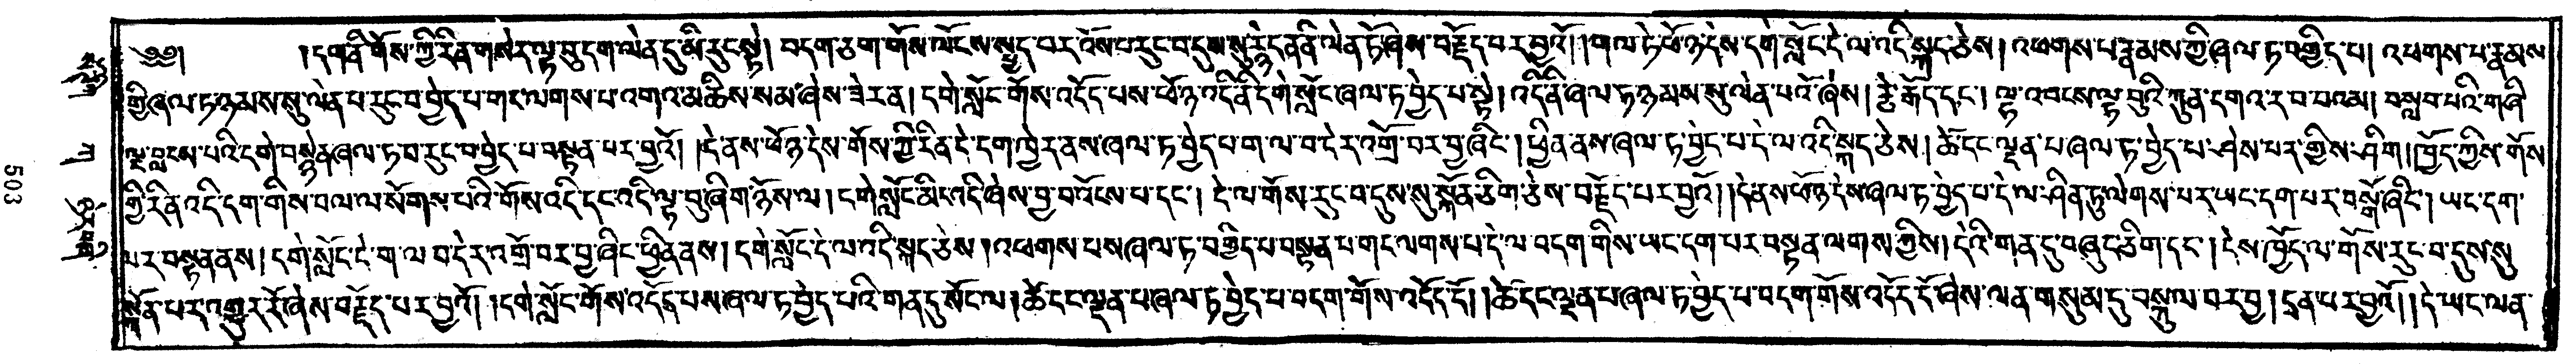༄༅། །དག་ནི་གོས་ཀྱི་རིན་གསེར་ལྟ་བུ་དག་ལེན་དུ་མི་རུང་སྟེ། བདག་ཅག་གོས་ལོངས་སྤྱད་པར་འོས་པ་རུང་བ་དུས་སུ་རྙེད་ན་ནི་ལེན་ཏོ་ཞེས་བརྗོད་པར་བྱའོ། །གལ་ཏེ་ཕོ་ཉ་དེས་དགེ་སློང་དེ་ལ་འདི་སྐད་ཅེས། འཕགས་པ་རྣམས་ཀྱི་ཞལ་ཏ་བགྱིད་པ། འཕགས་པ་རྣམས་
གྱི་ཞལ་ཏ་ཉམས་སུ་ལེན་པ་རུང་བ་བྱེད་པ་གང་ལགས་པ་འགའ་མཆིས་སམ་ཞེས་ཟེར་ན། དགེ་སློང་གོས་འདོད་པས་ཕོ་ཉ་འདི་ནི་དགེ་སློང་ཞལ་ཏ་བྱེད་པ་སྟེ། འདི་ནི་ཞལ་ཏ་ཉམས་སུ་ལེན་པའོ་ཞེས། རྩེ་རྒོད་དང་། ལྷ་འབངས་ལྟ་བུའི་ཀུན་དགའ་ར་བ་པའམ། བསླབ་པའི་གཞི་
ལྔ་བླངས་པའི་དགེ་བསྙེན་ཞལ་ཏ་བ་རུང་བ་བྱེད་པ་བསྟན་པར་བྱའོ། །དེ་ནས་ཕོ་ཉ་དེས་གོས་ཀྱི་རིན་དེ་དག་ཁྱེར་ནས་ཞལ་ཏ་བྱེད་པ་ག་ལ་བ་དེར་འགྲོ་བར་བྱ་ཞིང་། ཕྱིན་ནས་ཞལ་ཏ་བྱེད་པ་དེ་ལ་འདི་སྐད་ཅེས། ཚེ་དང་ལྡན་པ་ཞལ་ཏ་བྱེད་པ་ཤེས་པར་གྱིས་ཤིག །ཁྱོད་ཀྱིས་གོས་
གྱི་རིན་འདི་དག་གིས་བལ་ལ་སོགས་པའི་གོས་འདི་དང་འདི་ལྟ་བུ་ཞིག་ཉོས་ལ། དགེ་སློང་མིང་འདི་ཞེས་བྱ་བ་འོངས་པ་དང་། དེ་ལ་གོས་རུང་བ་དུས་སུ་སྐོན་ཅིག་ཅེས་བརྗོད་པར་བྱའོ། །དེ་ནས་ཕོ་ཉ་དེས་ཞལ་ཏ་བྱེད་པ་དེ་ལ་ཤིན་ཏུ་ལེགས་པར་ཡང་དག་པར་བསྒོ་ཞིང་། ཡང་དག་
པར་བསྟན་ནས། དགེ་སློང་དེ་ག་ལ་བ་དེར་འགྲོ་བར་བྱ་ཞིང་ཕྱིན་ནས། དགེ་སློང་དེ་ལ་འདི་སྐད་ཅེས་།འཕགས་པས་ཞལ་ཏ་བགྱིད་པ་བསྟན་པ་གང་ལགས་པ་དེ་ལ་བདག་གིས་ཡང་དག་པར་བསྟན་ལགས་ཀྱིས། དེའི་གན་དུ་བཞུད་ཅིག་དང་། དེས་ཁྱོད་ལ་གོས་རུང་བ་དུས་སུ་
སྐོན་པར་འགྱུར་རོ་ཞེས་བརྗོད་པར་བྱའོ། །དགེ་སློང་གོས་འདོད་པས་ཞལ་ཏ་བྱེད་པའི་གན་དུ་སོང་ལ། ཚེ་དང་ལྡན་པ་ཞལ་ཏ་བྱེད་པ་བདག་གོས་འདོད་དོ། །ཚེ་དང་ལྡན་པ་ཞལ་ཏ་བྱེད་པ་བདག་གོས་འདོད་དོ་ཞེས་ལན་གསུམ་དུ་བསྐུལ་བར་བྱ། དྲན་པར་བྱའོ། །དེ་ཡང་ལན་